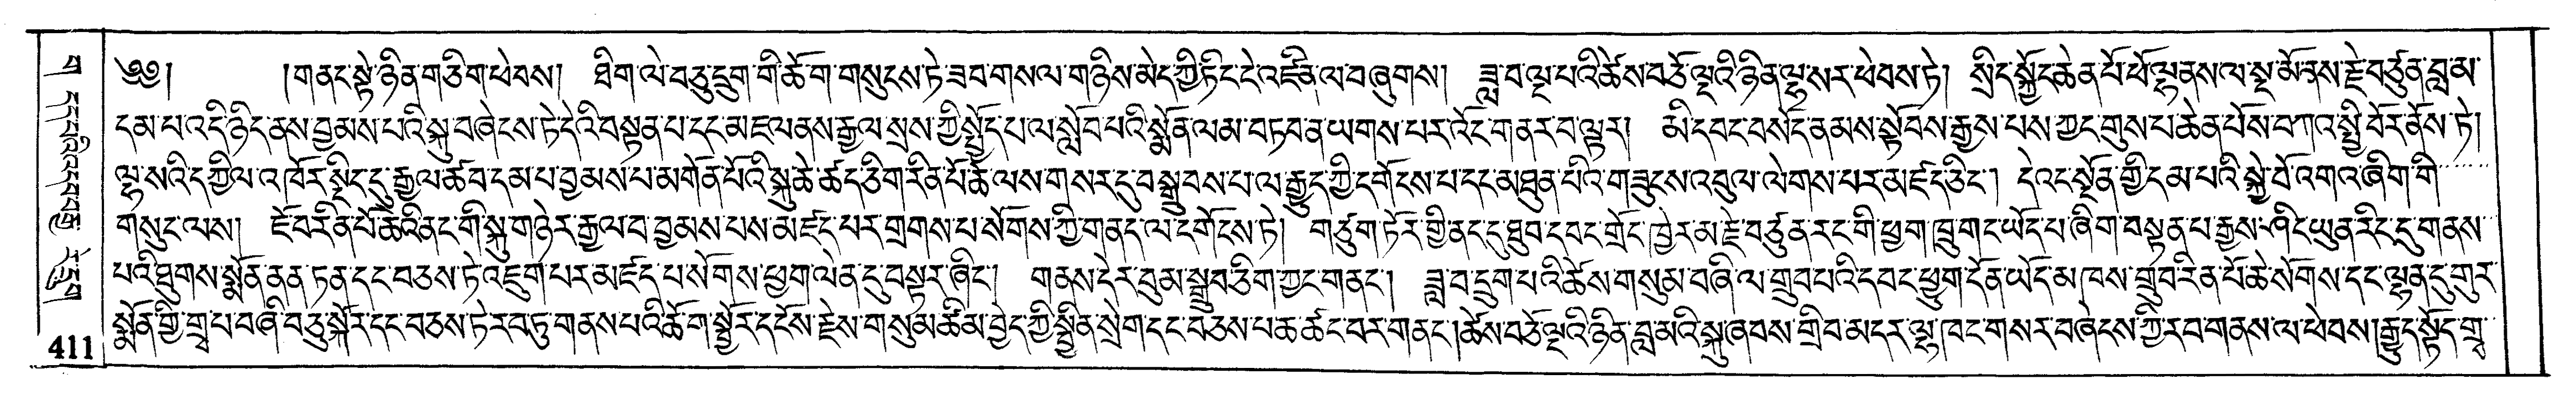༄༅། །གནང་སྟེ་ཉིན་གཅིག་ཕེབས། ཐིག་ལེ་བཅུ་དྲུག་གི་ཆོ་ག་གསུངས་ཏེ་ཟབ་གསལ་གཉིས་མེད་ཀྱི་ཏིང་ངེ་འཛིན་ལ་བཞུགས། ཟླ་བ་ལྔ་པའི་ཚེས་བཅོ་ལྔའི་ཉིན་ལྷ་སར་ཕེབས་ཏེ། སྲིད་སྐྱོང་ཆེན་པོ་ཕོ་ལྷ་ནས་ལ་སྔ་མོ་ནས་རྗེ་བཙུན་བླ་མ་
དམ་པ་འདི་ཉིད་ནས་བྱམས་པའི་སྐུ་བཞེངས་ཏེ་དེའི་བསྟན་པ་དང་མཇལ་ནས་རྒྱལ་སྲས་ཀྱི་སྤྱོད་པ་ལ་སློབ་པའི་སྨོན་ལམ་བཏབ་ན་ཡགས་པར་འོང་གནང་བ་ལྟར། མི་དབང་བསོད་ནམས་སྟོབས་རྒྱས་པས་ཀྱང་གུས་པ་ཆེན་པོས་བཀའ་སྤྱི་བོར་ནོས་ཏེ།
ལྷ་སའི་དཀྱིལ་འཁོར་སྟིང་དུ་རྒྱལ་ཚབ་དམ་པ་བྱམས་པ་མགོན་པོའི་སྐུ་ཆེ་ཚད་ཅིག་རིན་པོ་ཆེ་ལས་གསར་དུ་བསྒྲུབས་པ་ལ་རྒྱུད་ཀྱི་དགོངས་པ་དང་མཐུན་པའི་གཟུངས་འབུལ་ལེགས་པར་མཛད་ཅིང་། དེའང་སྔོན་གྱི་དམ་བའི་སྐྱེ་བོ་འགའ་ཞིག་གི་
གསུང་ལས། ཇོ་བོ་རིན་པོ་ཆེའི་ནང་གི་སྐུ་གཉེར་རྒྱལ་བ་བྱམས་པས་མཛད་པར་གྲགས་པ་སོགས་ཀྱི་གནད་ལ་དགོངས་ཏེ། གཙུག་ཏོར་གྱི་ནང་དུ་ཐུབ་དབང་གྲོང་ཁྱེར་མ་རྗེ་བཙུན་རང་གི་ཕྱག་ཁྲུ་གང་ཡོད་པ་ཞིག་བསྟན་པ་རྒྱས་ཤིང་ཡུན་རིང་དུ་གནས་
པའི་ཐུགས་སྨོན་ནན་ཏན་དང་བཅས་ཏེ་འཇུག་པར་མཛད་པ་སོགས་ཕྱག་ལེན་དུ་བསྟར་ཞིང་། གནས་དེར་བུམ་སྒྲུབ་ཅིག་ཀྱང་གནང་། ཟླ་བ་དྲུག་པའི་ཚེས་གསུམ་བཞི་ལ་གྲུབ་པའི་དབང་ཕྱུག་དོན་ཡོད་མཁས་གྲུབ་རིན་པོ་ཆེ་སོགས་དང་ལྷན་དུ་གུར་
སྨོན་གྱི་གྲྭ་པ་བཞི་བཅུ་སྐོར་དང་བཅས་ཏེ་རབ་ཏུ་གནས་པའི་ཆོ་ག་སྦྱོར་དངོས་རྗེས་གསུམ་ཚིམ་བྱེད་ཀྱིས་བྱིན་སྲེག་དང་བཅས་པ་ཆ་ཚང་བར་གནང་། ཚེས་བཅོ་ལྔའི་ཉིན་བླ་མའི་སྐུ་ཞབས་གྲིབ་མདར་ལྷ་ཁང་གསར་བཞེངས་ཀྱི་རབ་གནས་ལ་ཕེབས། རྒྱུད་སྟོད་གྲྭ་